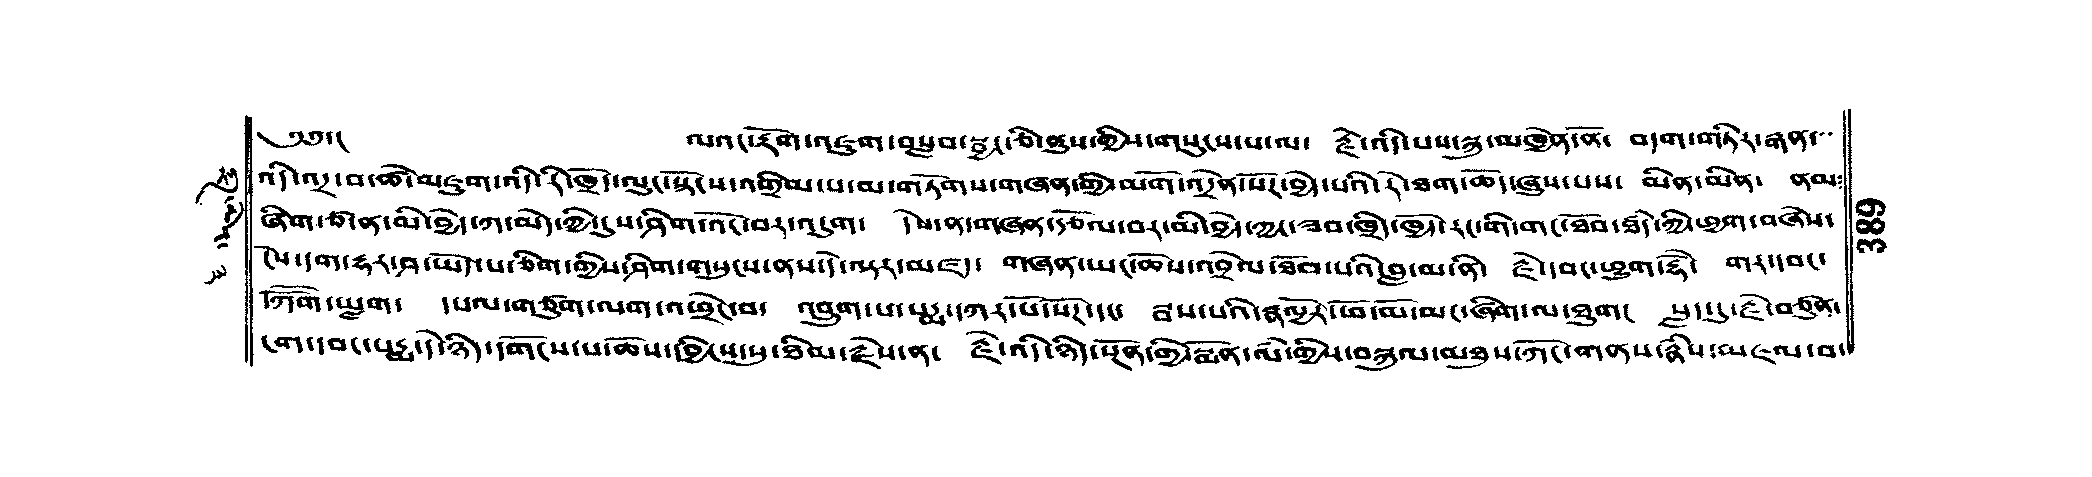ལའང་རྟོག་འཇུག་བསླབ་སྦྱང་ཅི་ནུས་བགྱིས་གསུངས་པ་ལ། རྗེ་འདི་པས་སྐུ་མཁྱེན་ནོ། བདག་གཏིར་རྒན་
འདི་འདྲ་བ་ཚེ་མཇུག་འདི་རི་ཁྲོད་ལུང་སྟོང་འགྲིམ་པ་མ་གཏོགས་གཞན་གྱི་མགོ་འདྲེན་སོགས་བྱེད་པའི་རེ་ཐག་ཆོད་ཞུས་པས། མིན་མིན། ནམ་
ཞིག་ཙ་ན་མི་བྱེད་ཀ་མེད་ཀྱི་དུས་ཤིག་འོང་བར་འདུག དེས་ན་གཞན་རྩོལ་བར་མི་བྱེད་ཀྱང་ཟབ་ཁྲིད་ཁྱོད་རང་གི་གང་ཐོབ་ཐམས་ཅད་ཀྱི་ཕྱག་བཞེས་
ངེས་དག་བརྡར་ཤ་ཚོད་པ་ཅིག་གྱིས་ཤིག་གསུངས་ནས་དེ་ལྟར་མཛད། གཞན་ཡང་ཆོས་འབྲེལ་ཐོབ་པའི་བླ་མ་ནི། རྗེ་དབང་ཕྱུག་རྡོ་རྗེ། གར་དབང་
དཀོན་མཆོག་ཡན་ལག དཔལ་གཙུག་ལག་འཕྲེང་བ། འབྲུག་པ་པདྨ་དཀར་པོ་སོགས་དང་། སྦས་པའི་རྣལ་འབྱོར་ཕོ་མོ་མང་ཞིག་ལ་ཐུག སླད་དུ་རྗེ་བཙུན་
ངག་དབང་པདྨ་དེ་ཉིད་དགོངས་པ་ཆོས་དབྱིངས་སུ་ཐིམ་རྗེས་ན། རྗེ་འདི་ཉིད་སྔོན་གྱི་སྨོན་ལམ་གྱིས་བསྐུལ་མཐུས་ཀོང་གནས་རྣམས་མཇལ་བ་